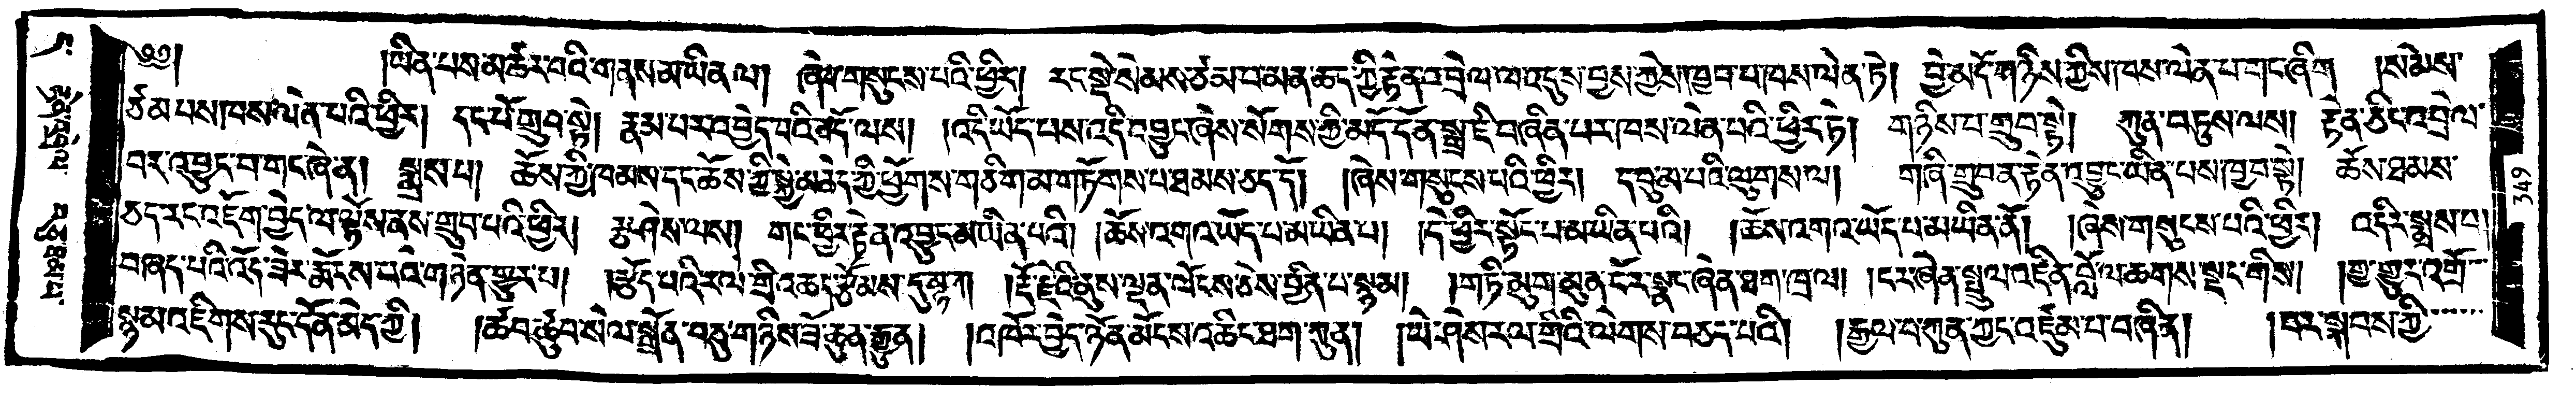༄༅། །ཡིན་པས་མཚར་བའི་གནས་མ་ཡིན་ལ། ཞེས་གསུངས་པའི་ཕྱིར། རང་སྡེ་སེམས་ཙམ་པ་མན་ཆད་ཀྱི་རྟེན་འབྲེལ་ལ་འདུས་བྱས་ཀྱིས་ཁྱབ་པ་ཁས་ལེན་ཏེ། བྱེ་མདོ་གཉིས་ཀྱིས་ཁས་ལེན་པ་གང་ཞིག །སེམས་
ཙམ་པས་ཁས་ལེན་པའི་ཕྱིར། དང་པོ་གྲུབ་སྟེ། རྣམ་པར་འབྱེད་པའི་མདོ་ལས། །འདི་ཡོད་པས་འདི་འབྱུང་ཞེས་སོགས་ཀྱི་མདོ་དོན་སྒྲ་ཇི་བཞིན་པར་ཁས་ལེན་པའི་ཕྱིར་ཏེ། གཉིས་པ་གྲུབ་སྟེ། ཀུན་བཏུས་ལས། རྟེན་ཅིང་འབྲེལ་
བར་འབྱུང་བ་གང་ཞེ་ན། སྨྲས་པ། ཆོས་ཀྱི་ཁམས་དང་ཆོས་ཀྱི་སྐྱེ་མཆེད་ཀྱི་ཕྱོགས་གཅིག་མ་གཏོགས་པ་ཐམས་ཅད་དོ། །ཞེས་གསུངས་པའི་ཕྱིར། དབུ་མ་པའི་ལུགས་ལ། གཞི་གྲུབ་ན་རྟེན་འབྱུང་ཡིན་པས་ཁྱབ་སྟེ། ཆོས་ཐམས་
ཅད་རང་འཇོག་བྱེད་ལ་ལྟོས་ནས་གྲུབ་པའི་ཕྱིར། རྩ་ཤེས་ལས། གང་ཕྱིར་ཏེན་འབྱུང་མ་ཡིན་པའི། །ཆོས་འགའ་ཡོད་པ་མ་ཡིན་པ། །དེ་ཕྱིར་སྟོང་པ་མ་ཡིན་པའི། །ཆོས་འགའ་ཡོད་པ་མ་ཡིན་ནོ། །ཞེས་གསུངས་པའི་ཕྱིར། འདིར་སྨྲས་པ།
བཞད་པའི་འོད་ཟེར་རྨོངས་པའི་གཉེན་གྱུར་པ། །རྩོད་པའི་རལ་གྲི་འཆད་རྩོམས་དུ་སྙན?། །རྡོ་རྗེའི་ནུས་ལྡན་ལོངས་ཅེས་བྱིན་པ་སྙམ། །གཏི་མུག་མུན་ངོར་སྣང་ཞེན་ཐག་ཁྲ་ལ། །ངར་ཞེན་སྤྲུལ་འཛིན་བློ་ལ་ཆགས་སྡང་གིས། །གྱ་གྱུར་འགྲོ་
སྙམ་འཇིགས་རུང་དོན་མེད་ཀྱི། །ཚབ་ཚུབ་སེལ་སྒྲོན་བཅུ་གཉིས་ཟོ་ཆུན་རྒྱུན། །འཁོར་བྱེད་ཉོན་མོངས་འཆིང་ཐག་ཀུན། །ཡེ་ཤེས་རལ་གྲིའི་ལེགས་བཅད་པའི། །རྒྱལ་བ་ཀུན་ཀྱང་འཛུམ་པ་བཞིན། །བར་སྐབས་ཀྱི་